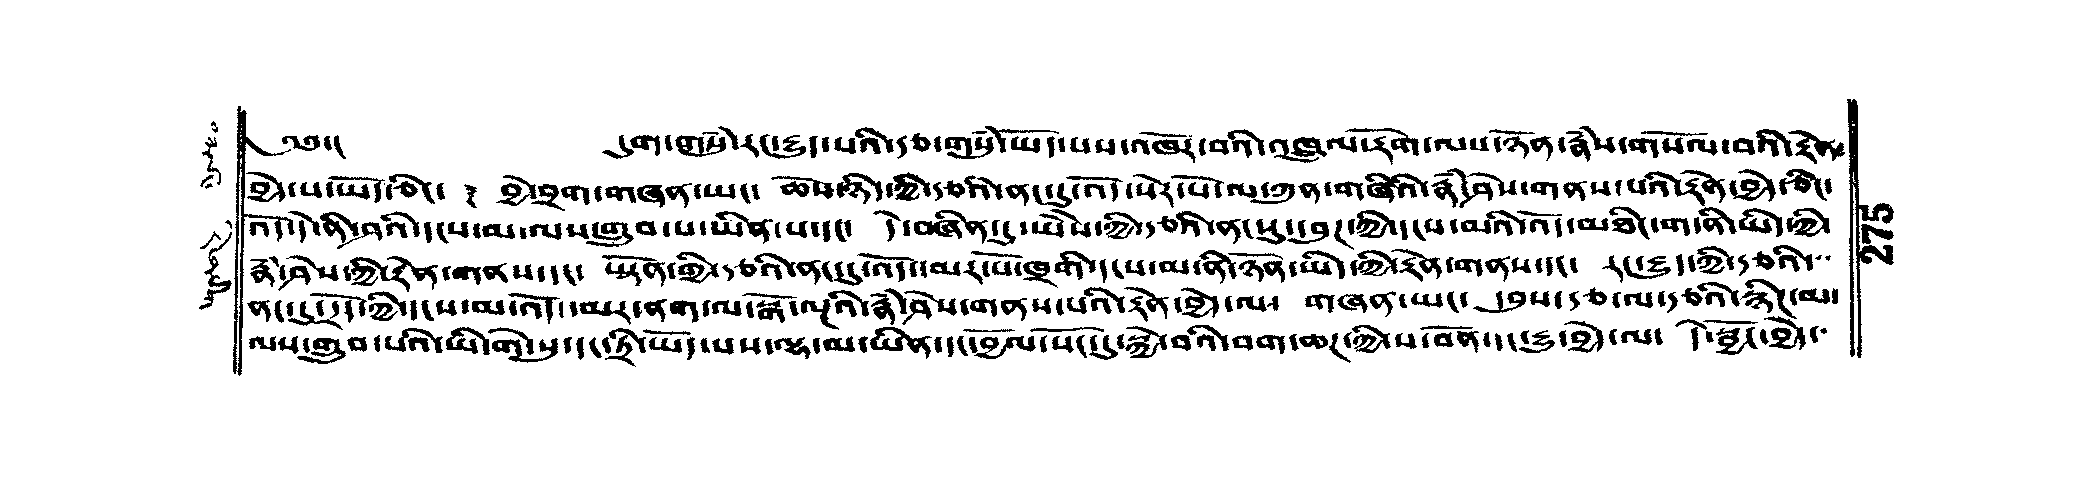དུག་གསུམ་རང་རྒྱུད་པའི་རྩ་གསུམ་ཡོད་པས་འཁོར་བའི་འཁྲུལ་རྟོག་ལས་ཉོན་རྣམས་གསལ་བའི་རྟེན་
བྱེད་པ་ཡོད་ཅིང་། བྱེ་བྲག་གཞན་ཡང་། ཆོས་ཉིད་ཀྱི་རྩའི་ནང་དུ་འོད་སེར་པོ་ལ་ཀུན་གཞིའི་རྣམ་ཤེས་གནས་པའི་རྟེན་བྱེད་ཅིང་། 
འོད་དེ་ནི་ཤའི་དྭངས་མ་ལས་གྲུབ་པ་ཡིན་པ་དང་། དེ་བཞིན་དུ་ཡེ་ཤེས་ཀྱི་རྩའི་ནང་དུ་དབུགས་ཀྱི་དྭངས་མའི་འོད་མཐིང་ག་ནི་ཡིད་ཀྱི་
རྣམ་ཤེས་ཀྱི་རྟེན་གནས་དང་། ཡོན་ཏན་གྱི་རྩའི་ནང་དུ་འོད་དམར་པོ་ཁྲག་གི་དྭངས་མ་ནི་ཉོན་ཡིད་ཀྱི་རྟེན་གནས་དང་། རང་རྒྱུད་ཀྱི་རྩའི་
ནང་དུ་དྲོད་ཀྱི་དྭངས་མ་འོད་དམར་ནག་ལ་སྒོ་ལྔའི་རྣམ་ཤེས་གནས་པའི་རྟེན་བྱེད་ལ། གཞན་ཡང་། དབུས་རྩ་ལ་རྩའི་སྙིགས་མ་
ལས་གྲུབ་པའི་ཡི་གེ་སུ་དང་ཏྲི་ཡོད་པས་ལྷ་མ་ཡིན་དང་བྱོལ་སོང་དུ་སྐྱེ་བའི་བག་ཆགས་ཀྱི་ས་བོན་དང་རྒྱུ་བྱེད་ལ། དེ་སྦྱོང་བྱེད་